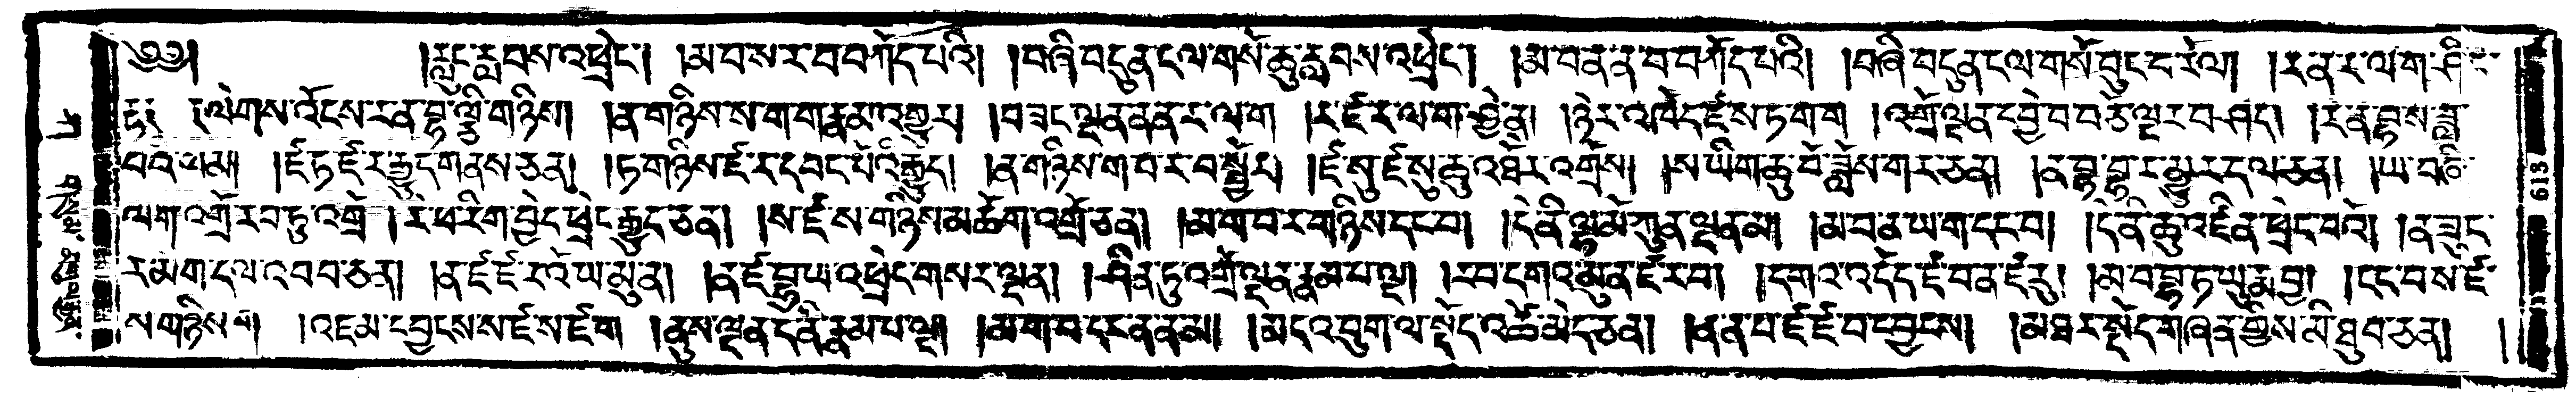༄༅། །རླུང་རླབས་འཕྲེང་། །མ་བ་ས་ར་བ་བཀོད་པའི། །བཞི་བདུན་ངལ་གསོ་ཆུ་རླབས་འཕྲེང་། །མ་བན་ན་བ་བཀོད་པའི། །བཞི་བདུན་ངལ་གསོ་བུང་ང་རོལ། །ར་ན་ར་ལ་ཤིང་
རྟ། །ལེགས་འོངས་རན་བྷ་ལྕི་གཉིས། །ན་གཉིས་ས་ག་ག་རྣམ་འགྱུར། །བཟང་ལྡན་ནན་ར་ལ་ག །ར་ཛ་ར་ལ་ག་ཤྱེ་ན། །ཉེར་འཁོད་ཛ་ས་ཏ་ག་ག། འགྲོ་ལྡན་དབྱེ་བ་བཅོ་ལྔར་བཅད། །རེ་ན་བྷ་ས་ཟླ་
བའི་ལམ། །ཛ་ཏ་ཛ་ར་རྒྱུད་གནས་ཅན། །ཏ་གཉིས་ཛ་ར་དབང་པོའི་རྒྱུད། །ན་གཉིས་ག་བ་ར་བ་སྦྱོར། །ཛ་སུ་ཛ་སུ་ཆུ་འཐོར་འགྲོས། །ས་ཡིག་ཆུ་བོ་ཟློས་གར་ཅན། །ན་བྷ་བྷ་ར་མྱུར་དལ་ཅན། །ཡ་བཞི་
ལག་འགྲོ་རབ་ཏུ་འགྲོ། རེ་ཕ་རིག་བྱེད་ཕྲེང་རྒྱུད་ཅན། །ས་ཛ་ས་གཉིས་མཆོག་འགྲོ་ཅན། །མ་ལ་བ་ར་གཉིས་དང་བ། །དེ་ནི་ལྷ་མོ་ཀུན་ལྡན་མ། །མ་བ་ན་ཡ་ག་དང་བ། །དེ་ནི་ཆུ་འཛིན་ཕྲེང་བའོ། །ན་ཟུང་
ར་མག་དལ་འབབ་ཅན། །ན་ཛ་ཛ་ར་འོ་ཡ་མུ་ན། །ན་ཛ་བྷ་ཡ་འཕྲེང་གསར་ལྡན། །ཤིན་ཏུ་འགྲོ་ལྡན་རྣམ་པ་ལྔ། །རབ་དགའ་མུན་ཇོ་རབ། །དགའ་འདོད་ཛ་བ་ན་ཛ་རུ། །མ་བ་བྷ་ཏ་ཡུ་རྨ་བྱ། །ངང་བས་ཛ་
ས་གཉིས་པ། །འཇམ་དབྱངས་ས་ཛ་ས་ཛ་ག། །ནུས་ལྡན་ད་ནི་རྣམ་པ་ལྔ། །མ་ག་བ་དང་ན་ན་མ། །མང་འབུག་ལ་སྡོད་འཚེ་མེད་ཅན། །ན་ན་པ་ཛ་ཛ་བ་དབྱངས། །མཐར་སྡོད་གཞན་གྱིས་མི་ཐུབ་ཅན། །